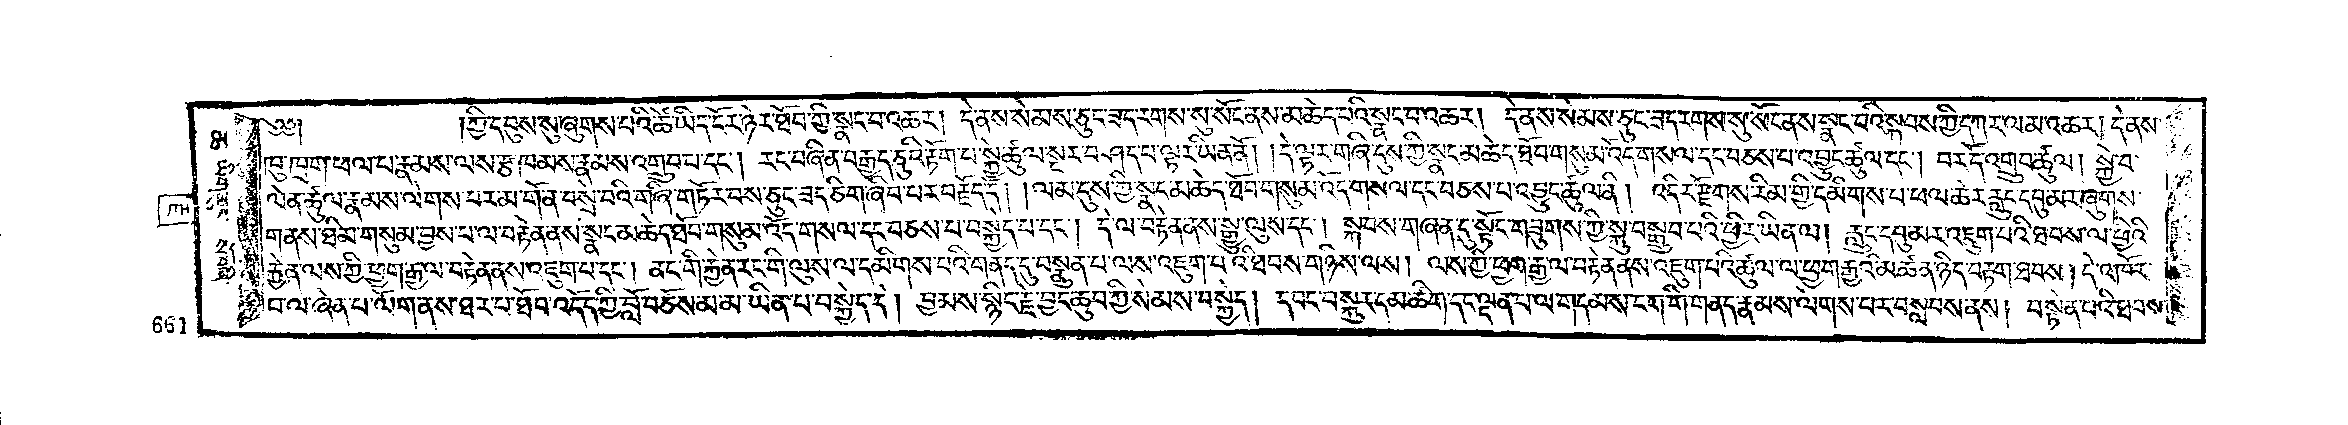༄༅། །ཀྱི་དབུས་སུ་ཞུགས་པའི་ཚེ་ཡིད་ངོར་ཉེར་ཐོབ་ཀྱི་སྣང་བ་འཆར། དེ་ནས་སེམས་ཅུང་ཟད་རགས་སུ་སོང་ནས་མཆེད་པའི་སྣང་བ་འཆར། དེ་ནས་སེམས་ཅུང་ཟད་རགས་སུ་སོང་ནས་སྣང་བའི་སྐབས་ཀྱི་དཀར་ལམ་འཆར། དེ་ནས་
ཁུ་ཁྲག་ཕལ་པ་རྣམས་ལས་རྩ་ཁམས་རྣམས་འགྲུབ་པ་དང་། རང་བཞིན་བརྒྱད་ཅུའི་རྟོག་པ་སྐྱེ་ཚུལ་སྔར་བཤད་པ་ལྟར་ཡིན་ནོ། །དེ་ལྟར་གཞི་དུས་ཀྱི་སྣང་མཆེད་ཐོབ་གསུམ་འོད་གསལ་དང་བཅས་པ་འབྱུང་ཚུལ་དང་། བར་དོ་འགྲུབ་ཚུལ། སྐྱེ་བ་
ལེན་ཚུལ་རྣམས་ལེགས་པར་མ་གོ་ན་བསྲེ་བའི་གཞི་གཏོར་བས་ཅུང་ཟད་ཅིག་ཞིབ་པར་བརྗོད་དོ། །ལམ་དུས་ཀྱི་སྣང་མཆེད་ཐོབ་གསུམ་འོད་གསལ་དང་བཅས་པ་འབྱུང་ཚུལ་ནི། འདིར་རྫོགས་རིམ་གྱི་དམིགས་པ་ཕལ་ཆེར་རླུང་དབུ་མར་ཞུགས་
གནས་ཐིམ་གསུམ་བྱས་པ་ལ་བརྟེན་ནས་སྣང་མཆེད་ཐོབ་གསུམ་འོད་གསལ་དང་བཅས་པ་བསྐྱེད་པ་དང་། དེ་ལ་བརྟེན་ནས་སྒྱུ་ལུས་དང་། སྐབས་གཞན་དུ་སྟོང་གཟུགས་ཀྱི་སྐུ་བསྒྲུབ་པའི་ཕྱིར་ཡིན་ལ། རླུང་དབུ་མར་འཇུག་པའི་ཐབས་ལ་ཕྱིའི་
རྐྱེན་ལས་ཀྱི་ཕྱག་རྒྱ་ལ་བརྟེན་ནས་འཇུག་པ་དང་། ནང་གི་རྐྱེན་རང་གི་ལུས་ལ་དམིགས་པའི་གནད་དུ་བསྣུན་པ་ལས་འཇུག་པའི་ཐབས་གཉིས་ལས། ལས་ཀྱི་ཕྱག་རྒྱ་ལ་བརྟེན་ནས་འཇུག་པའི་ཚུལ་ལ་ཕྱག་རྒྱའི་མཚན་ཉིད་བརྟག་ཐབས། དེ་འཁོར་
བ་ལ་ཞེན་པ་ལོག་ནས་ཐར་པ་ཐོབ་འདོད་ཀྱི་བློ་བཅོས་མ་མ་ཡིན་པ་བསྐྱེད་དེ། བྱམས་སྙིང་རྗེ་བྱང་ཆུབ་ཀྱི་སེམས་བསྐྱེད། དབང་བསྐུར་དམ་ཚིག་དང་ལྡན་པ་ལ་གདམས་ངག་གི་གནད་རྣམས་ལེགས་པར་བསླབས་ནས། བསྟེན་པའི་ཐབས་